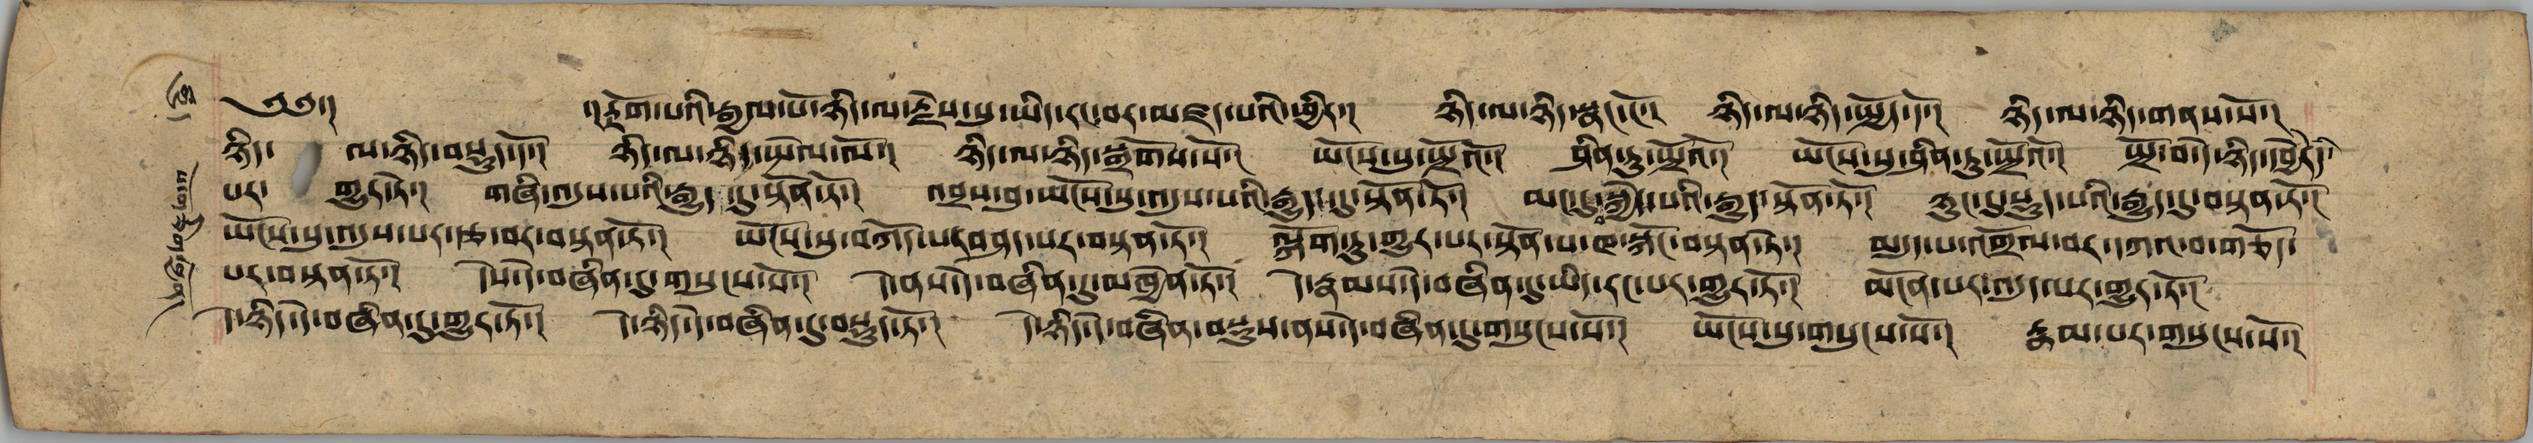༄༅་། ་།རྟོག་པའི་རྒྱལ་པོ་ཉིད་ལ་རྗེས་སུ་ཡིད་རང་བར་མཛད་པའི་ཕྱིར་། ཉིད་ལ་ཉིད་སྣང་ངོ་། ཉིད་ལ་ཉིད་སྤྱོད་དོ་། ཉིད་ལ་ཉིད་གནས་སོ་།
ཉིད་ ལ་ཉིད་བསྡུད་དོ་། ཉིད་ལ་ཉིད་སྤེལ་ལོ་། ཉིད་ལ་ཉིད་སྒྲོགས་སོ་། ཡོངས་སུ་སྤྲོའོ་། ཤིན་ཏུ་སྤྲོའོ་། ཡོངས་སུ་ཤིན་ཏུ་སྤྲོའོ་། སྤྲོ་བ་དེ་ཉིད་དབྱེར་
པར་ གྱུར་ཏེ་། གཞི་འདུས་པའི་རྒྱུད་དུ་སྟོན་ཏོ་། འབྲས་བུ་ཡོངས་སུ་འདུས་པའི་རྒྱུད་དུ་སྟོན་ཏོ་། མང་དུ་སྐྱེད་པའི་རྒྱུད་སྟོན་ཏོ་། ཉུང་དུ་སྡུད་པའི་རྒྱུད་དུ་བསྟན་ཏོ་
ཡོངས་སུ་འདུས་པར་རྩ་བར་བསྟན་ཏོ་། ཡོངས་སུ་བཀོད་པརབཤད་པར་བསྟན་ཏོ་། ལྐོག་ཏུ་གྱུར་པར་སྟོན་པ་ཁ་སྐོང་བསྟན་ཏེ་། མདུད་པ་འགྲོལ་བར་དཀའ་བ་གཅོད་
པར་བསྟན་ཏོ་། དེས་དེ་བཞིན་དུ་གསུངས་སོ་། དེ་ནས་དེ་བཞིན་དུ་མཁྱེན་ཏོ་། དེ་རྣམས་དེ་བཞིན་དུ་ཡིད་རང་པར་གྱུར་ཏོ་། མངོན་པར་འདུད་པར་གྱུར་ཏོ་།
དེ་ཉིད་དེ་བཞིན་དུ་གྱུར་ཏོ་། དེ་ཉིད་དེ་བཞིན་དུ་བསྡུད་ཏོ་། དེ་ཉིད་དེ་བཞིན་བསྡུས་ནས་དེ་བཞིན་དུ་གསུངས་སོ་། ཡོངས་སུ་གསུངས་སོ་་། རྣམ་པར་གསུངས་སོ་།